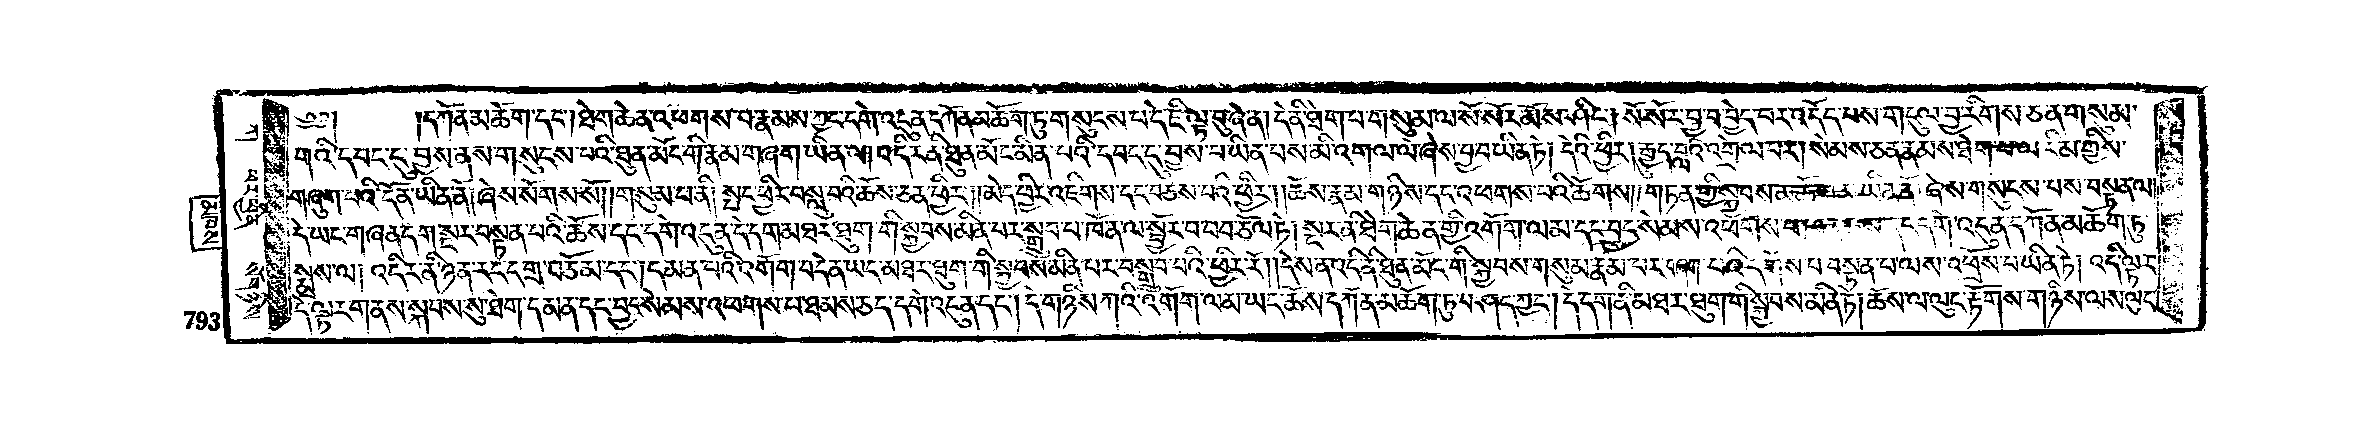༄༅། །དཀོན་མཆོག་དང་། ཐེག་ཆེན་འཕགས་པ་རྣམས་ཀྱང་དགེ་འདུན་དཀོན་མཆོག་ཏུ་གསུངས་པ་དེ་ཇི་ལྟ་བུ་ཞེ་ན། དེ་ནི་ཐེག་པ་གསུམ་ལ་སོ་སོར་མོས་ཤིང་། སོ་སོར་བྱ་བ་བྱེད་པར་འདོད་པས་གདུལ་བྱ་རིགས་ཅན་གསུམ་
གའི་དབང་དུ་བྱས་ནས་གསུངས་པའི་ཐུན་མོང་གི་རྣམ་གཞག་ཡིན་ལ། འདིར་ནི་ཐུན་མོང་མིན་པའི་དབང་དུ་བྱས་པ་ཡིན་པས་མི་འགལ་ལོ་ཞེས་བྱ་བ་ཡིན་ཏེ། དེའི་ཕྱིར། རྒྱུད་བླའི་འགྲེལ་པར། སེམས་ཅན་རྣམས་ཐེག་པ་ལ་རིམ་གྱིས་
གཞུག་པའི་དོན་ཡིན་ནོ། ཞེས་སོགས་སོ། །གསུམ་པ་ནི། སྤང་ཕྱིར་བསླུ་བའི་ཆོས་ཅན་ཕྱིར། །མེད་ཕྱིར་འཇིགས་དང་བཅས་པའི་ཕྱིར། །ཆོས་རྣམ་གཉིས་དང་འཕགས་པའི་ཚོགས། །གཏན་གྱི་སྐྱབས་མཆོག་མ་ཡིན་ནོ། ཞེས་གསུངས་པས་བསྟན་ལ།
དེ་ཡང་གཞན་དག་སྔར་བསྟན་པའི་ཆོས་དང་དགེ་འདུན་དེ་དག་མཐར་ཐུག་གི་སྐྱབས་མིན་པར་སྒྲུབ་པ་ཁོ་ན་ལ་སྦྱོར་བ་བབ་ཅོལ་ཏེ། སྔར་ནི་ཐེག་ཆེན་གྱི་འགོག་ལམ་དང་བྱང་སེམས་འཕགས་པ་ཁོ་ན་ཆོས་དང་དགེ་འདུན་དཀོན་མཆོག་ཏུ་
སྨྲས་ལ། འདིར་ནི་ཉན་རང་དགྲ་བཅོམ་དང་། དམན་པའི་འགོག་བདེན་ཡང་མཐར་ཐུག་གི་སྐྱབས་མིན་པར་བསྒྲུབ་པའི་ཕྱིར་རོ། །དེས་ན་འདི་ནི་ཐུན་མོང་གི་སྐྱབས་གསུམ་རྣམ་པར་བཞག་པའི་དགོས་པ་བསྟན་པ་ལས་འཕྲོས་པ་ཡིན་ཏེ། འདི་ལྟར་
དེ་ལྟར་གནས་སྐབས་སུ་ཐེག་དམན་དང་བྱང་སེམས་འཕགས་པ་ཐམས་ཅད་དགེ་འདུན་དང་། དེ་གཉིས་ཀའི་འགོག་ལམ་ཡང་ཆོས་དཀོན་མཆོག་ཏུ་བཤད་ཀྱང་། དེ་དག་ནི་མཐར་ཐུག་གི་སྐྱབས་མིན་ཏེ། ཆོས་ལ་ལུང་རྟོགས་གཉིས་ལས་ལུང་